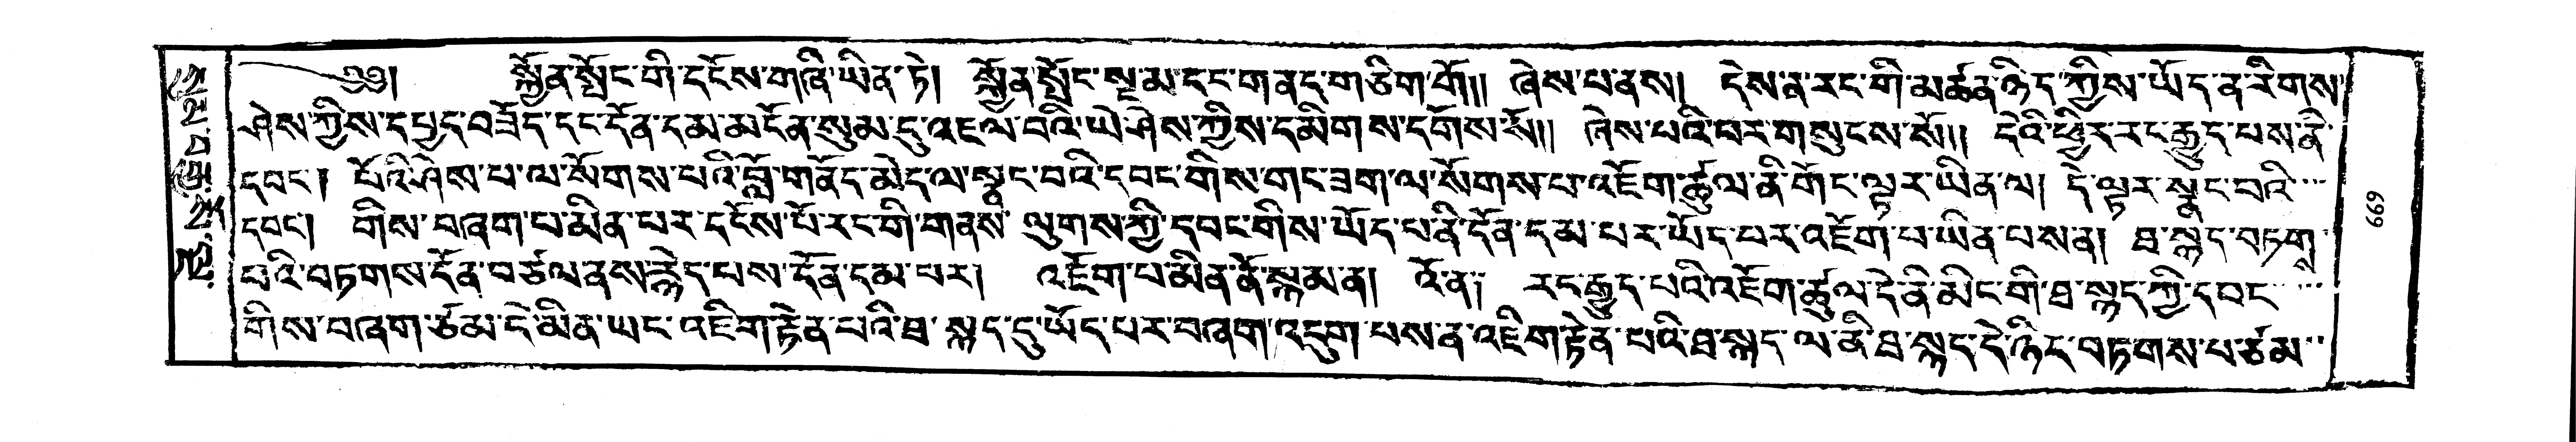༄༅། །སྐྱོན་སྤོང་གི་དངོས་གཞི་ཡིན་ཏེ། སྐྱོན་སྤོང་སྔ་མ་དང་གནད་གཅིག་གོ། །ཞེས་པ་ནས། དེས་ན་རང་གི་མཚན་ཉིད་ཀྱིས་ཡོད་ན་རིགས་
ཤེས་ཀྱིས་དཔྱད་བཟོད་དང་དོན་དམ་མངོན་སུམ་དུ་འཇལ་བའི་ཡེ་ཤེས་ཀྱིས་དམིགས་དགོས་སོ། །ཞེས་པའི་བར་གསུངས་སོ། །དེའི་ཕྱིར་རང་རྒྱུད་པས་ནི་
དབང་། པོའི་ཤེས་པ་ལ་སོགས་པའི་བློ་གནོད་མེད་ལ་སྣང་བའི་དབང་གིས་གང་ཟག་ལ་སོགས་པ་འཇོག་ཚུལ་ནི་གོང་ལྟར་ཡིན་ལ། དེ་ལྟར་སྣང་བའི་
དབང་། གིས་བཞག་པ་མིན་པར་དངོས་པོ་རང་གི་གནས་ལུགས་ཀྱི་དབང་གིས་ཡོད་པ་ནི་དོན་དམ་པར་ཡོད་པར་འཇོག་པ་ཡིན་པས་ན། ཐ་སྙད་བཏགས་
པའི་བཏགས་དོན་བཙལ་ནས་རྙེད་པས་དོན་དམ་པར། འཇོག་པ་མིན་ནོ་སྙམ་ན། འོ་ན། རང་རྒྱུད་པའི་འཇོག་ཚུལ་དེ་ནི་མིང་གི་ཐ་སྙད་ཀྱི་དབང་
གིས་བཞག་ཙམ་དེ་མིན་ཡང་འཇིག་རྟེན་པའི་ཐ་སྙད་དུ་ཡོད་པར་བཞག་འདུག་པས་ན་འཇིག་རྟེན་པའི་ཐ་སྙད་ལ་ནི་ཐ་སྙད་དེ་ཉིད་བཏགས་པ་ཙམ་